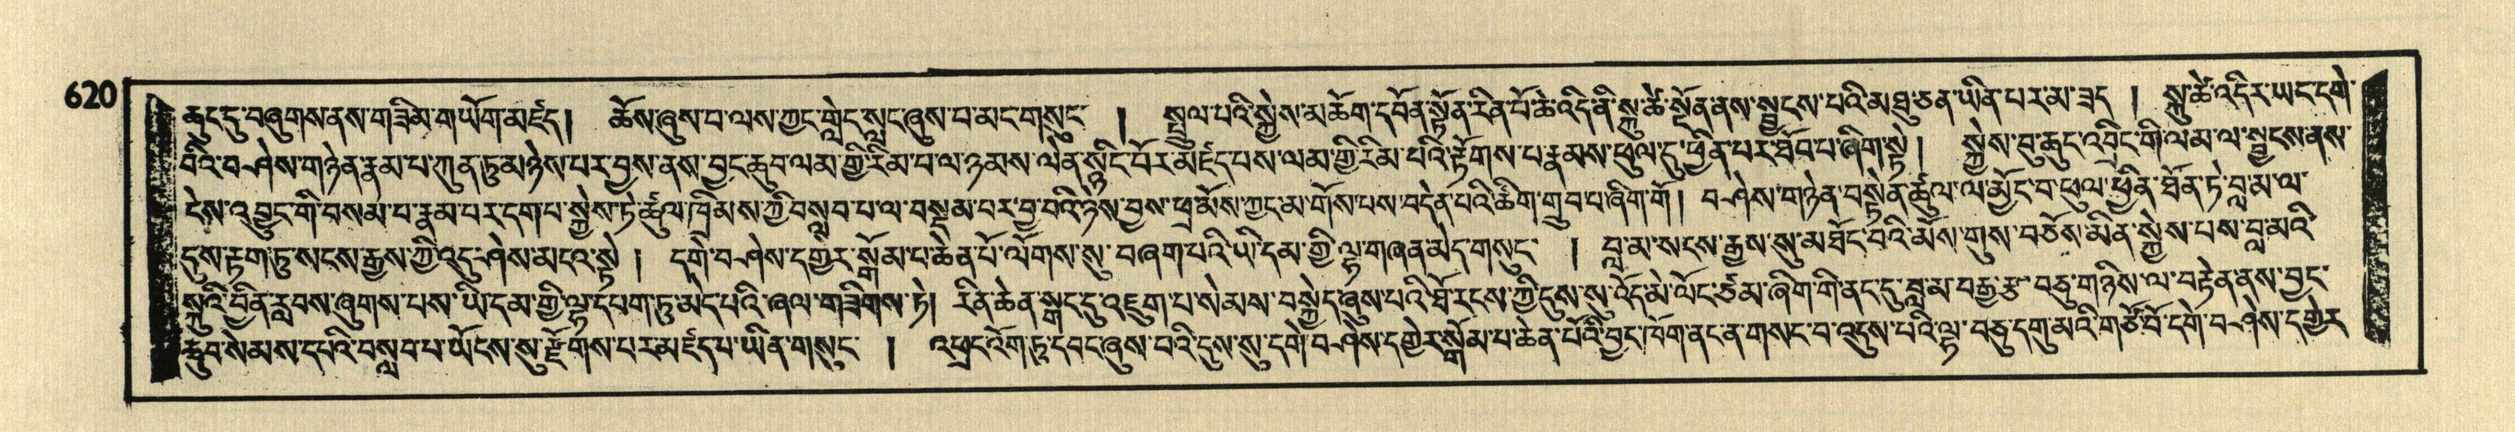ཆུང་དུ་བཞུགས་ནས་གཟིམ་གཡོག་མཛད། ཆོས་ཞུས་བ་ལས་ཀྱང་གླེང་སླང་ཞུས་བ་མང་གསུང་། སྤྲུལ་པའི་སྐྱེས་མཆོག་དབོན་སྟོན་རིན་པོ་ཆེ་འདི་ནི་སྐུ་ཚེ་སྔོན་ནས་སྦྱངས་པའི་མཐུ་ཅན་ཡིན་པར་མ་ཟད། སྐུ་ཚེ་འདིར་ཡང་དགེ་
བའི་བཤེས་གཉེན་རྣམ་པ་ཀུན་ཏུ་མཉེས་པར་བྱས་ནས་བྱང་ཆུབ་ལམ་གྱི་རིམ་པ་ལ་ཉམས་ལེན་སྙིང་པོར་མཛད་པས་ལམ་གྱི་རིམ་པའི་རྟོགས་པ་རྣམས་ཕུལ་དུ་ཕྱིན་པར་ཐོབ་པ་ཞིག་སྟེ། སྐྱེས་བུ་ཆུང་འབྲིང་གི་ལམ་ལ་སྦྱངས་ནས་
ངེས་འབྱུང་གི་བསམ་པ་རྣམ་པར་དག་པ་སྐྱེས་ཏེ་ཚུལ་ཁྲིམས་ཀྱི་བསླབ་པ་ལ་བསྡམ་པར་བྱ་བའི་ཉེས་བྱས་ཕྲ་མོས་ཀྱང་མ་གོས་པས་བདེན་པའི་ཚིག་གྲུབ་པ་ཞིག་གོ། བཤེས་གཉེན་བསྟེན་ཚུལ་ལ་མྱོང་བ་ཕུལ་ཕྱིན་ཐོན་ཏེ་བླ་མ་ལ་
དུས་རྟག་ཏུ་སངས་རྒྱས་ཀྱི་འདུ་ཤེས་མངའ་སྟེ། དགེ་བཤེས་དགྱེར་སྒོམ་པ་ཆེན་པོ་ལོགས་སུ་བཞག་པའི་ཡི་དམ་གྱི་ལྷ་གཞན་མེད་གསུང་།བླ་མ་སངས་རྒྱས་སུ་མཐོང་བའི་མོས་གུས་བཅོས་མིན་སྐྱེས་པས་བླ་མའི་
སྐུའི་བྱིན་རླབས་ཞུགས་པས་ཡི་དམ་གྱི་ལྷ་དཔག་ཏུ་མེད་པའི་ཞལ་གཟིགས་ཏེ། རིན་ཆེན་སྒང་དུ་འཇུག་པ་སེམས་བསྐྱེད་ཞུས་པའི་ཐོ་རངས་ཀྱི་དུས་སུ་འོད་མེ་ལོང་ཙམ་ཞིག་གི་ནང་དུ་བླ་མ་བརྒྱ་རྩ་བཅུ་གཉིས་ལ་བརྟེན་ནས་བྱང་
ཆུབ་སེམས་དཔའི་བསླབ་པ་ཡོངས་སུ་རྫོགས་པར་མཛད་པ་ཡིན་གསུང་། འཕྲང་འོག་ཏུ་དབང་ཞུས་བའི་དུས་སུ་དགེ་བཤེས་དགྱེར་སྒོམ་པ་ཆེན་པོའི་བྱང་ཁོག་ནང་ན་གསང་བ་འདུས་པའི་ལྷ་བཅུ་དགུ་མའི་གཙོ་བོ་དགེ་བཤེས་དགྱེར་